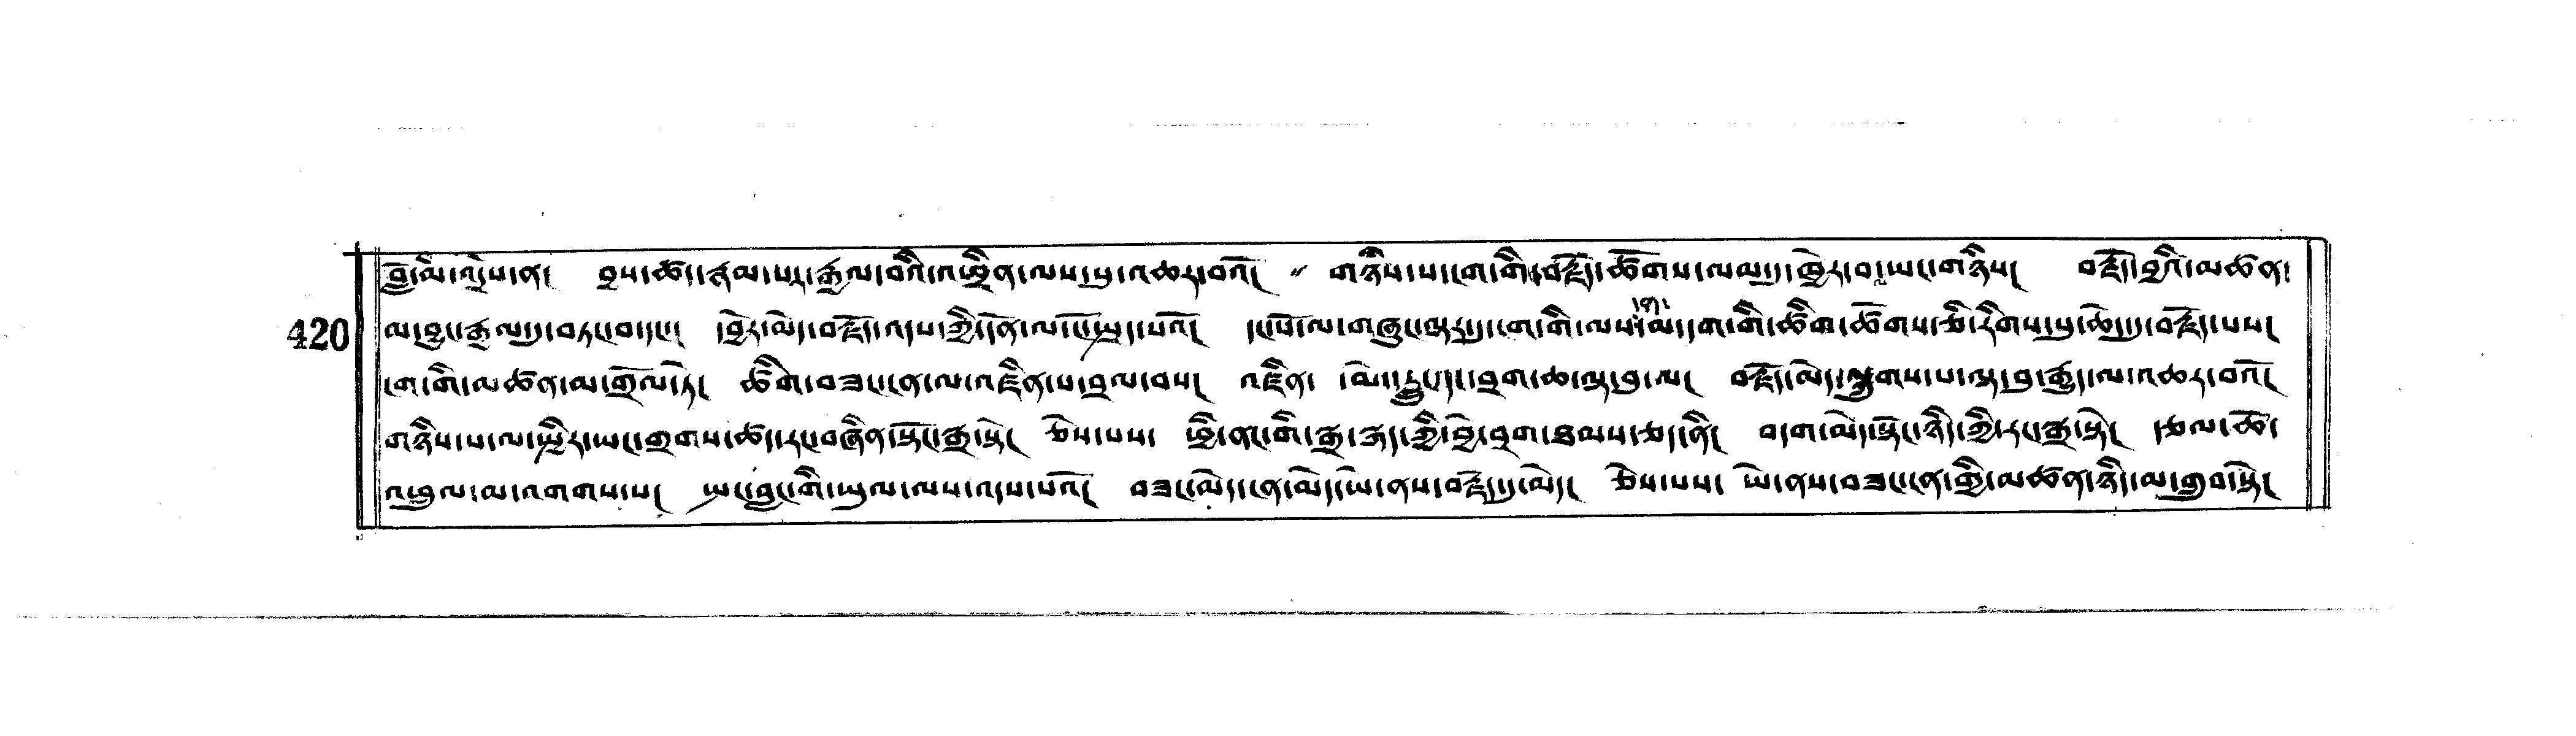བློ་མ་འདྲེས་ན། བྱས་ཚད་རྣམ་པར་རྒྱལ་བའི་འཕྲིན་ལས་སུ་འཆར་རོ། གཉིས་པ་ངག་གི་བརྗོད་ཚོགས་ལམ་དུ་འཁྱེར་བ་ལ་ཡང་གཉིས། བརྗོད་བྱའི་མཚན་
མ་བྱུང་རྒྱལ་དུ་བཏང་བ་དང་། དབྱེར་མེད་བརྗོད་འདས་ཀྱི་དོན་ལ་ངོ་སྤྲད་པའོ། དང་པོ་ལ། གཞུང་ལྟར་དུ་ངག་གི་ལས་དག་མ་དག་གི་ཚིག་ཚོགས་ཅི་རིགས་སུ་ཆེད་དུ་བརྗོད་པས། 
ངག་གི་མཚན་མ་གྲོལ་ཏེ། ཚིག་བཟང་ངན་ལ་འཛིན་པ་བྲལ་བས། འཛིན་ མེད་རླུང་དང་བྲག་ཆ་ལྟ་བུ་ལ། བརྗོད་མེད་ལྐུགས་པ་ལྟ་བུ་རྒྱུད་ལ་འཆར་བའོ། 
གཉིས་པ་ལ་སྤྱིར་ཡང་གྲགས་ཚད་རང་བཞིན་སྟོང་སྒྲ་སྟེ། ཅེས་པས། ཕྱི་ནང་གི་སྒྲ་སྐད་ཀྱི་བྱེ་བྲག་ཐམས་ཅད་ནི། བདག་མེད་སྟོང་ཉིད་ཀྱི་རང་སྒྲ་སྟེ། རྩལ་ཆོ་
འཕྲུལ་མ་འགག་པ། སྤང་བླང་གི་ཡུལ་ལས་འདས་པའོ། བཟང་མེད་ངན་མེད་ཡེ་ནས་བརྗོད་དུ་མེད། ཅེས་པས། ཡེ་ནས་བཟང་ངན་གྱི་མཚན་ཉིད་མ་གྲུབ་སྟེ།